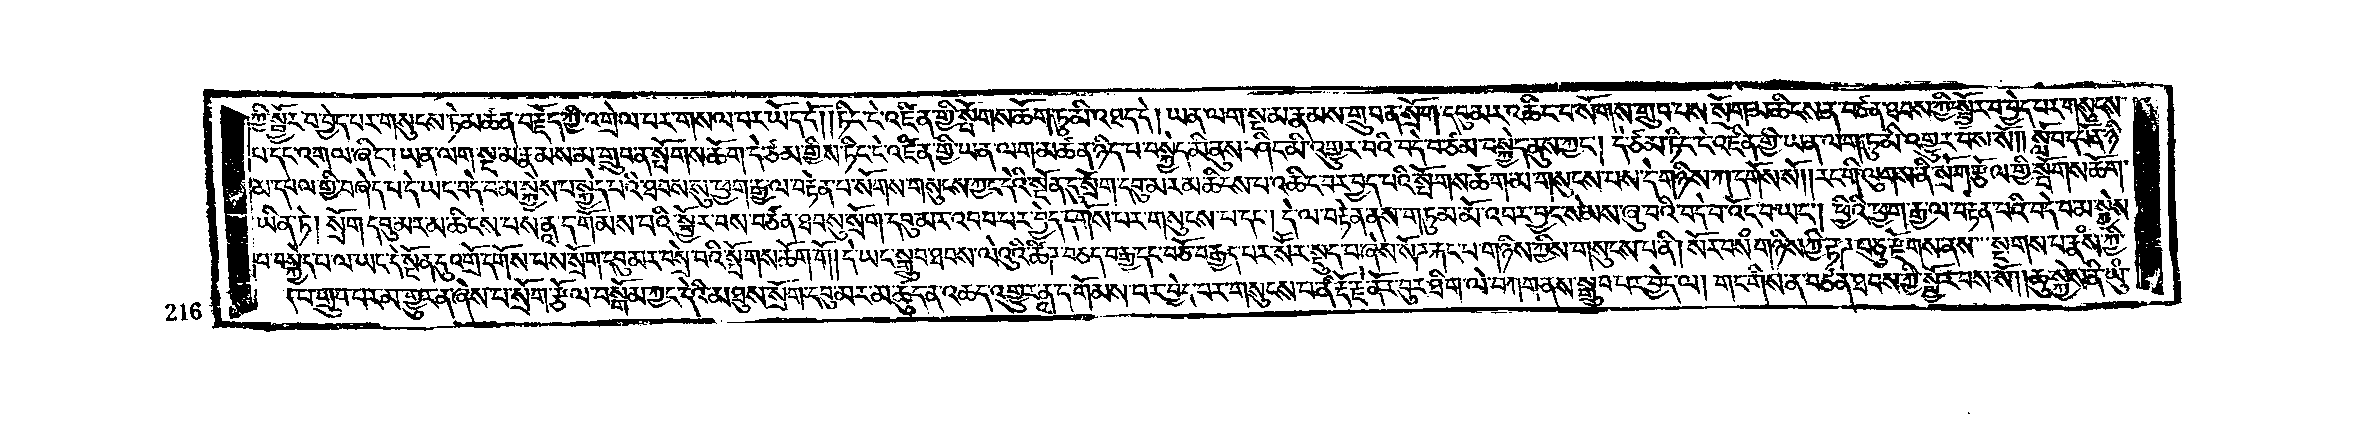ཀྱི་སྦྱོར་བ་བྱེད་པར་གསུངས་ཏེ་མཚན་བརྗོད་ཀྱི་འགྲེལ་པར་གསལ་བར་ཡོད་དོ། །ཏིང་ངེ་འཛིན་གྱི་སྤོགས་ཆོག་ཏུ་མི་འཐད་དེ། ཡན་ལག་སྔ་མ་རྣམས་གྲུབ་ན་སྲོག་དབུ་མར་འཆིང་པ་སོགས་གྲུབ་པས་སྲོག་མ་ཆིངས་ན་བཙན་ཐབས་ཀྱི་སྦྱོར་བ་བྱེད་པར་གསུངས་
པ་དང་འགལ་ཞིང་། ཡན་ལག་སྔ་མ་རྣམས་མ་གྲུབ་ན་སྤོགས་ཆོག་དེ་ཙམ་གྱིས་ཏིང་ངེ་འཛིན་གྱི་ཡན་ལག་མཚན་ཉིད་པ་བསྐྱེད་མི་ནུས་ཤིང་མི་འགྱུར་བའི་བདེ་བ་ཙམ་བསྐྱེད་ནུས་ཀྱང་། དེ་ཙམ་ཏིང་ངེ་འཛིན་གྱི་ཡན་ལག་ཏུ་མི་འགྱུར་བས་སོ། །སློབ་དཔོན་ཉི་
མ་དཔལ་གྱི་བཞེད་པ་དེ་ཡང་བདེ་བ་མ་སྐྱེས་པ་སྐྱེད་པའི་ཐབས་སུ་ཕྱག་རྒྱ་ལ་བརྟེན་པ་སོགས་གསུངས་ཀྱང་དེའི་སྔོན་དུ་སྲོག་དབུ་མར་མ་ཆིངས་པ་འཆིང་པར་བྱད་པའི་སྤོགས་ཆོག་མ་གསུངས་པས་དེ་གཉིས་ཀ་དགོས་སོ། །རང་གི་ལུགས་ནི་སྲོག་རྩོལ་གྱི་སྤོགས་ཆོག་
ཡིན་ཏེ། སྲོག་དབུ་མར་མ་ཆིངས་པས་ནཱ་ད་གོམས་པའི་སྦྱོར་བས་བཙན་ཐབས་སུ་སྲོག་དབུ་མར་འབབ་པར་བྱེད་དགོས་པར་གསུངས་པ་དང་། དེ་ལ་བརྟེན་ནས་གཏུམ་མོ་འབར་བྱང་སེམས་ཞུ་བའི་བདེ་བ་འོང་བ་ཡང་། ཕྱིའི་ཕྱག་རྒྱ་ལ་བརྟན་པའི་བདེ་བ་མ་སྐྱེས་
པ་བསྐྱེད་པ་ལ་ཡང་དེ་སྔོན་དུ་འགྲོ་དགོས་པས་སྲོག་དབུ་མར་བསྲེ་བའི་སྤོགས་ཆོག་གོ །དེ་ཡང་སྒྲུབ་ཐབས་ལེའུའི་ཚིགས་བཅད་བརྒྱ་དང་བཅོ་བརྒྱད་པར་སོ་སོར་སྡུད་པ་ཞེས་སོགས་རྐང་པ་གཉིས་ཀྱིས་གསུངས་པ་ནི། སོར་བསམ་གཉིས་ཀྱི་རྟགས་བཅུ་རྫོགས་ནས་སྔགས་པ་རྣམས་ཀྱི་
བདེ་བ?་གྲུབ་པར་མ་གྱུར་ན་ཞེས་པ་སྲོག་རྩོལ་བསྒོམ་ཀྱང་དེའི་མཐུས་སྲོག་དབུ་མར་མ་ཚུད་ན་འཆད་འགྱུར་ནཱ་ད་གོམས་པར་བྱེད་པར་གསུངས་པ་ནི་རྡོ་རྗེ་ནོར་བུར་ཐིག་ལེ་བཀག་ནས་སྒྲུབ་པར་བྱེད་ལ། གང་གིས་ན་བཙན་ཐབས་ཀྱི་སྦྱོར་བས་སོ། །ཆུ་སྐྱེས་ནི་ཡུམ་